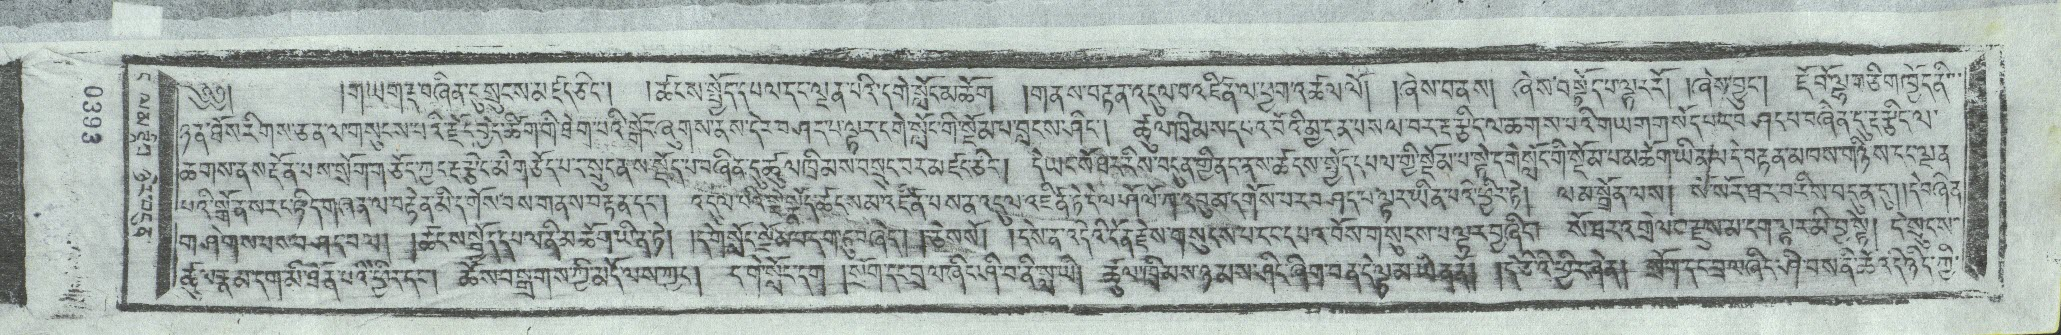༄༅། །གཡག་རྡ་བཞིན་དུ་སྲུངས་མཛད་ཅིང་། །ཚངས་སྤྱོད་དཔལ་དང་ལྡན་པའི་དགེ་སློང་མཆོག །གནས་བརྟན་འདུལ་བ་འཛིན་ལ་ཕྱག་འཚལ་ལོ། །ཞེས་པ་ནས། ཞེས་བསྟོད་པ་ལྟར་རོ། །ཞེས་བྱུང་། ཇོ་བོ་ལྷ་གཅིག་ཁྱོད་ནི་
ཉན་ཐོས་རིགས་ཅན་ལ་གསུངས་པའི་རྗོད་བྱེད་ཚིག་གི་ཐེག་པའི་སྒོར་ཞུགས་ནས་དེར་བཤད་པ་ལྟར་དགེ་སློང་གི་སྡོམ་པ་བླངས་ཤིང་། ཚུལ་ཁྲིམས་དཔའ་བོའི་མྱ་ངན་བསལ་བར་རྔ་རྩིད་ལ་ཆགས་པའི་གཡག་གསོད་པར་བཤད་པ་བཞིན་དུ་རྡ་རྩིད་ལ་
ཆགས་ནས་རྡོན་པས་སྲོག་གཅོད་ཀྱང་རྔ་རྩེད་མི་གཅོད་པར་སྲུང་ནས་སྡོད་པ་བཞིན་དུ་ཚུལ་ཁྲིམས་བསྲུང་པར་མཛད་ཅིང་། དེ་ཡང་སོ་ཐར་རིས་བདུན་གྱི་ནང་ནས་ཚངས་སྤྱོད་དཔལ་གྱི་སྡོམ་པ་སྟེ་དགེ་སློང་གི་སྡོམ་པ་མཆོག་ཡིན་ལ་དེ་བརྟན་མཁས་གཉིས་དང་ལྡན་
པའི་སྒོ་ནས་རང་ཉིད་གཞན་ལ་བརྟེན་མི་དགོས་བས་གནས་བརྟན་དང་། འདུལ་བའི་སྡེ་སྣོད་ཚངས་མའི་འཛིན་པས་ན་འདུལ་འཛིན་དེ་ལ་ཤོ་ལོ་ཀ་འབུམ་དགོས་པར་བཤད་པ་ལྟར་ཡིན་པའི་ཕྱིར་ཏེ། ལམ་སྒྲོན་ལས། སོ་སོར་ཐར་བ་རིས་བདུན་དུ། །དེ་བཞིན་
གཤེགས་པས་བཤད་པ་ལ། ཚངས་སྦྱོད་དཔལ་ནི་མཆོག་ཡིན་ཏེ། །དགེ་སློང་སྡོམ་པ་དག་ཏུ་བཞེད། །ཅེས་སོ། །དེས་ན་འདིའི་དོན་རྗེས་གསུངས་པ་དང་དཔའ་བོས་གསུངས་པ་ལྟར་བྱ་ཞིང་། སོ་ཐར་འགྲེལ་བ་རྫུས་མ་དག་ལྟར་མི་བྱ་སྟེ། དེ་སྲུངས་
ཚུལ་རྣམ་དག་མི་ཐོན་པའི་ཕྱིར་དང་། ཆོས་བསྒྲགས་ཀྱི་མདོ་ལས་ཀྱང་། དགེ་སློང་དག །སོག་དང་བྲལ་ཞིབ་ཤི་བ་ནི་སླ་ཡི། ཚུལ་ཁྲིམས་ཉམས་ཤིང་ཞིག་?་ན་དེ་ལྟ་མ་ཡིན་ནོ། །དེ་ཅིའི་ཕྱིར་ཞེན། སྲོག་དང་བྲལ་ཞིང་ཤི་བས་ནི་ཚེ་འདི་ཉིད་ཀྱི་